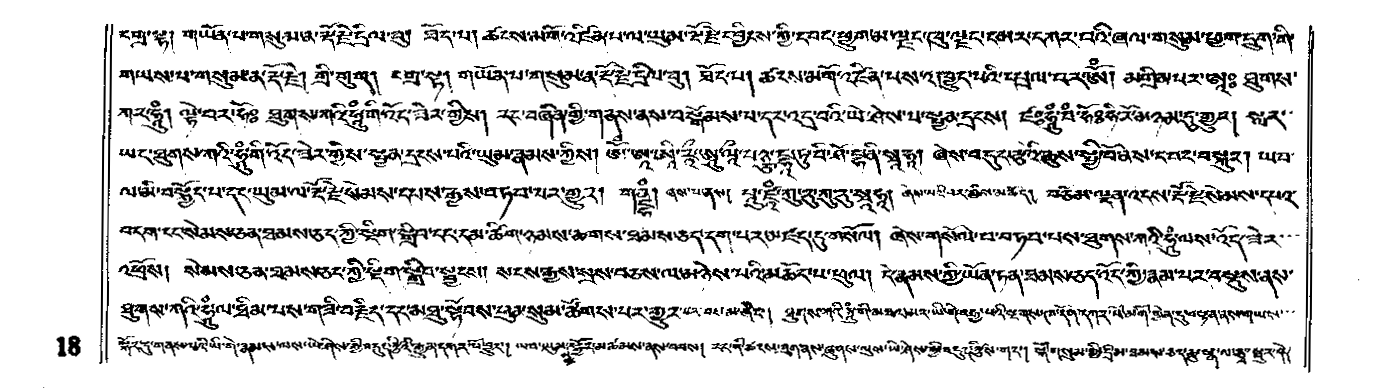དགྲ་སྟ། གཡོན་པ་གསུམ་ན་རྡོ་རྗེ་དྲིལ་བུ། ཐོད་པ། ཚངས་མགོ་འཛིན་པ་ལ་ཡུམ་རྡོ་རྗེ་དབྱིངས་ཀྱི་དབང་ཕྱུག་མ་ལྗང་ཁུ་ལྗང་དམར་དཀར་བའི་ཞལ་གསུམ་ཕྱག་དྲུག་གི་
གཡས་པ་གསུམ་ན་རྡོ་རྗེ། གྲི་གུག། དགྲ་སྟ། གཡོན་པ་གསུམ་ན་རྡོ་རྗེ་དྲིལ་བུ། ཐོད་པ། ཚངས་མགོ་འཛིན་པས་འཁྱུད་པའི་དཔྲལ་བར་ཨོཾ། མགྲིན་པར་ཨཱཿ ཐུགས་
ཀར་ཧཱུཾ། ལྟེ་བར་ཧོཿ ཐུགས་ཀའི་ཧཱུཾ་གི་འོད་ཟེར་གྱིས། རང་བཞིན་གྱི་གནས་ནས་བསྒོམ་པ་དང་འདྲ་བའི་ཡེ་ཤེས་པ་སྤྱན་དྲངས། ཛཿ ཧཱུཾ་བཾ་ཧོཿ ཧི་རོ་མཉམ་དུ་གྱུར། སླར་
ཡང་ཐུགས་ཀའི་ཧཱུཾ་གི་འོད་ཟེར་གྱིས་སྤྱན་དྲངས་པའི་ཡུམ་རྣམས་ཀྱིས། ཨོཾ་ཨཱ་ཨཱི་རཱྀ་ཨཱུ་ལཱྀ་པཉྩ་དྷཱ་ཏུ་བི་ཤོ་དྷ་ནི་སྭཱ་ཧཱ། ཞེས་བདུད་རྩིའི་ཆུས་སྤྱི་བོ་ནས་དབང་བསྐུར། ཡབ་
ལ་མི་བསྐྱོད་པ་དང་ཡུམ་ལ་རྡོ་རྗེ་སེམས་དཔས་རྒྱས་བཏབ་པར་གྱུར། གནྡྷཾ། ཞེས་པ་ནས།  པཱུ་ཛཱཾ་ཀུ་རུ་ཀུ་རུ་སྭཱ་ཧཱ། ཞེས་པའི་བར་གྱིས་མཆོད།  བཅོམ་ལྡན་འདས་རྡོ་རྗེ་སེམས་དཔའ་
བདག་དང་སེམས་ཅན་ཐམས་ཅད་ཀྱི་སྡིག་སྒྲིབ་དང་དམ་ཚིག་ཉམས་ཆགས་ཐམས་ཅད་དག་པར་མཛད་དུ་གསོལ། ཞེས་གསོལ་བ་བཏབ་པས་ཐུགས་ཀའི་ཧཱུཾ་ལས་འོད་ཟེར་
འཕྲོས། སེམས་ཅན་ཐམས་ཅད་ཀྱི་སྡིག་སྒྲིབ་སྦྱངས། སངས་རྒྱས་སྲས་བཅས་ལ་མཉེས་པའི་མཆོད་པ་ཕུལ། དེ་རྣམས་ཀྱི་ཡོན་ཏན་ཐམས་ཅད་འོད་ཀྱི་རྣམ་པར་བསྡུས་ནས་
ཐུགས་ཀའི་ཧཱུཾ་ལ་ཐིམ་པས་གཟི་བརྗིད་དང་མཐུ་སྟོབས་ཕུན་སུམ་ཚོགས་པར་གྱུར་པར་བསམ་ཞིང་། ཐུགས་ཀའི་ཧཱུཾ་གི་མཐའ་མར་ཡི་གེ་བརྒྱ་པའི་སྔགས་ཁ་དོག་དཀར་པོ་མགོ་གྱེན་དུ་བསྟན་ནས་གཡས་
སྐོར་དུ་གནས་པའི་ཡི་གེ་རྣམས་ལས་ཡེ་ཤེས་ཀྱི་བདུད་རྩིའི་རྒྱུན་དཀར་པོ་བྱུང་། ཡབ་ཡུམ་སྦྱོར་མཚམས་ནས་བབས། རང་གི་ཚངས་བུག་ནས་ཞུགས་ལུས་ཡེ་ཤེས་ཀྱི་བདུད་རྩིས་གང་། སྐོ་གསུམ་གྱི་དྲི་མ་ཐམས་ཅད་ཆུ་སྣ་ལ་རྩྭ་སྤུར་རེད།